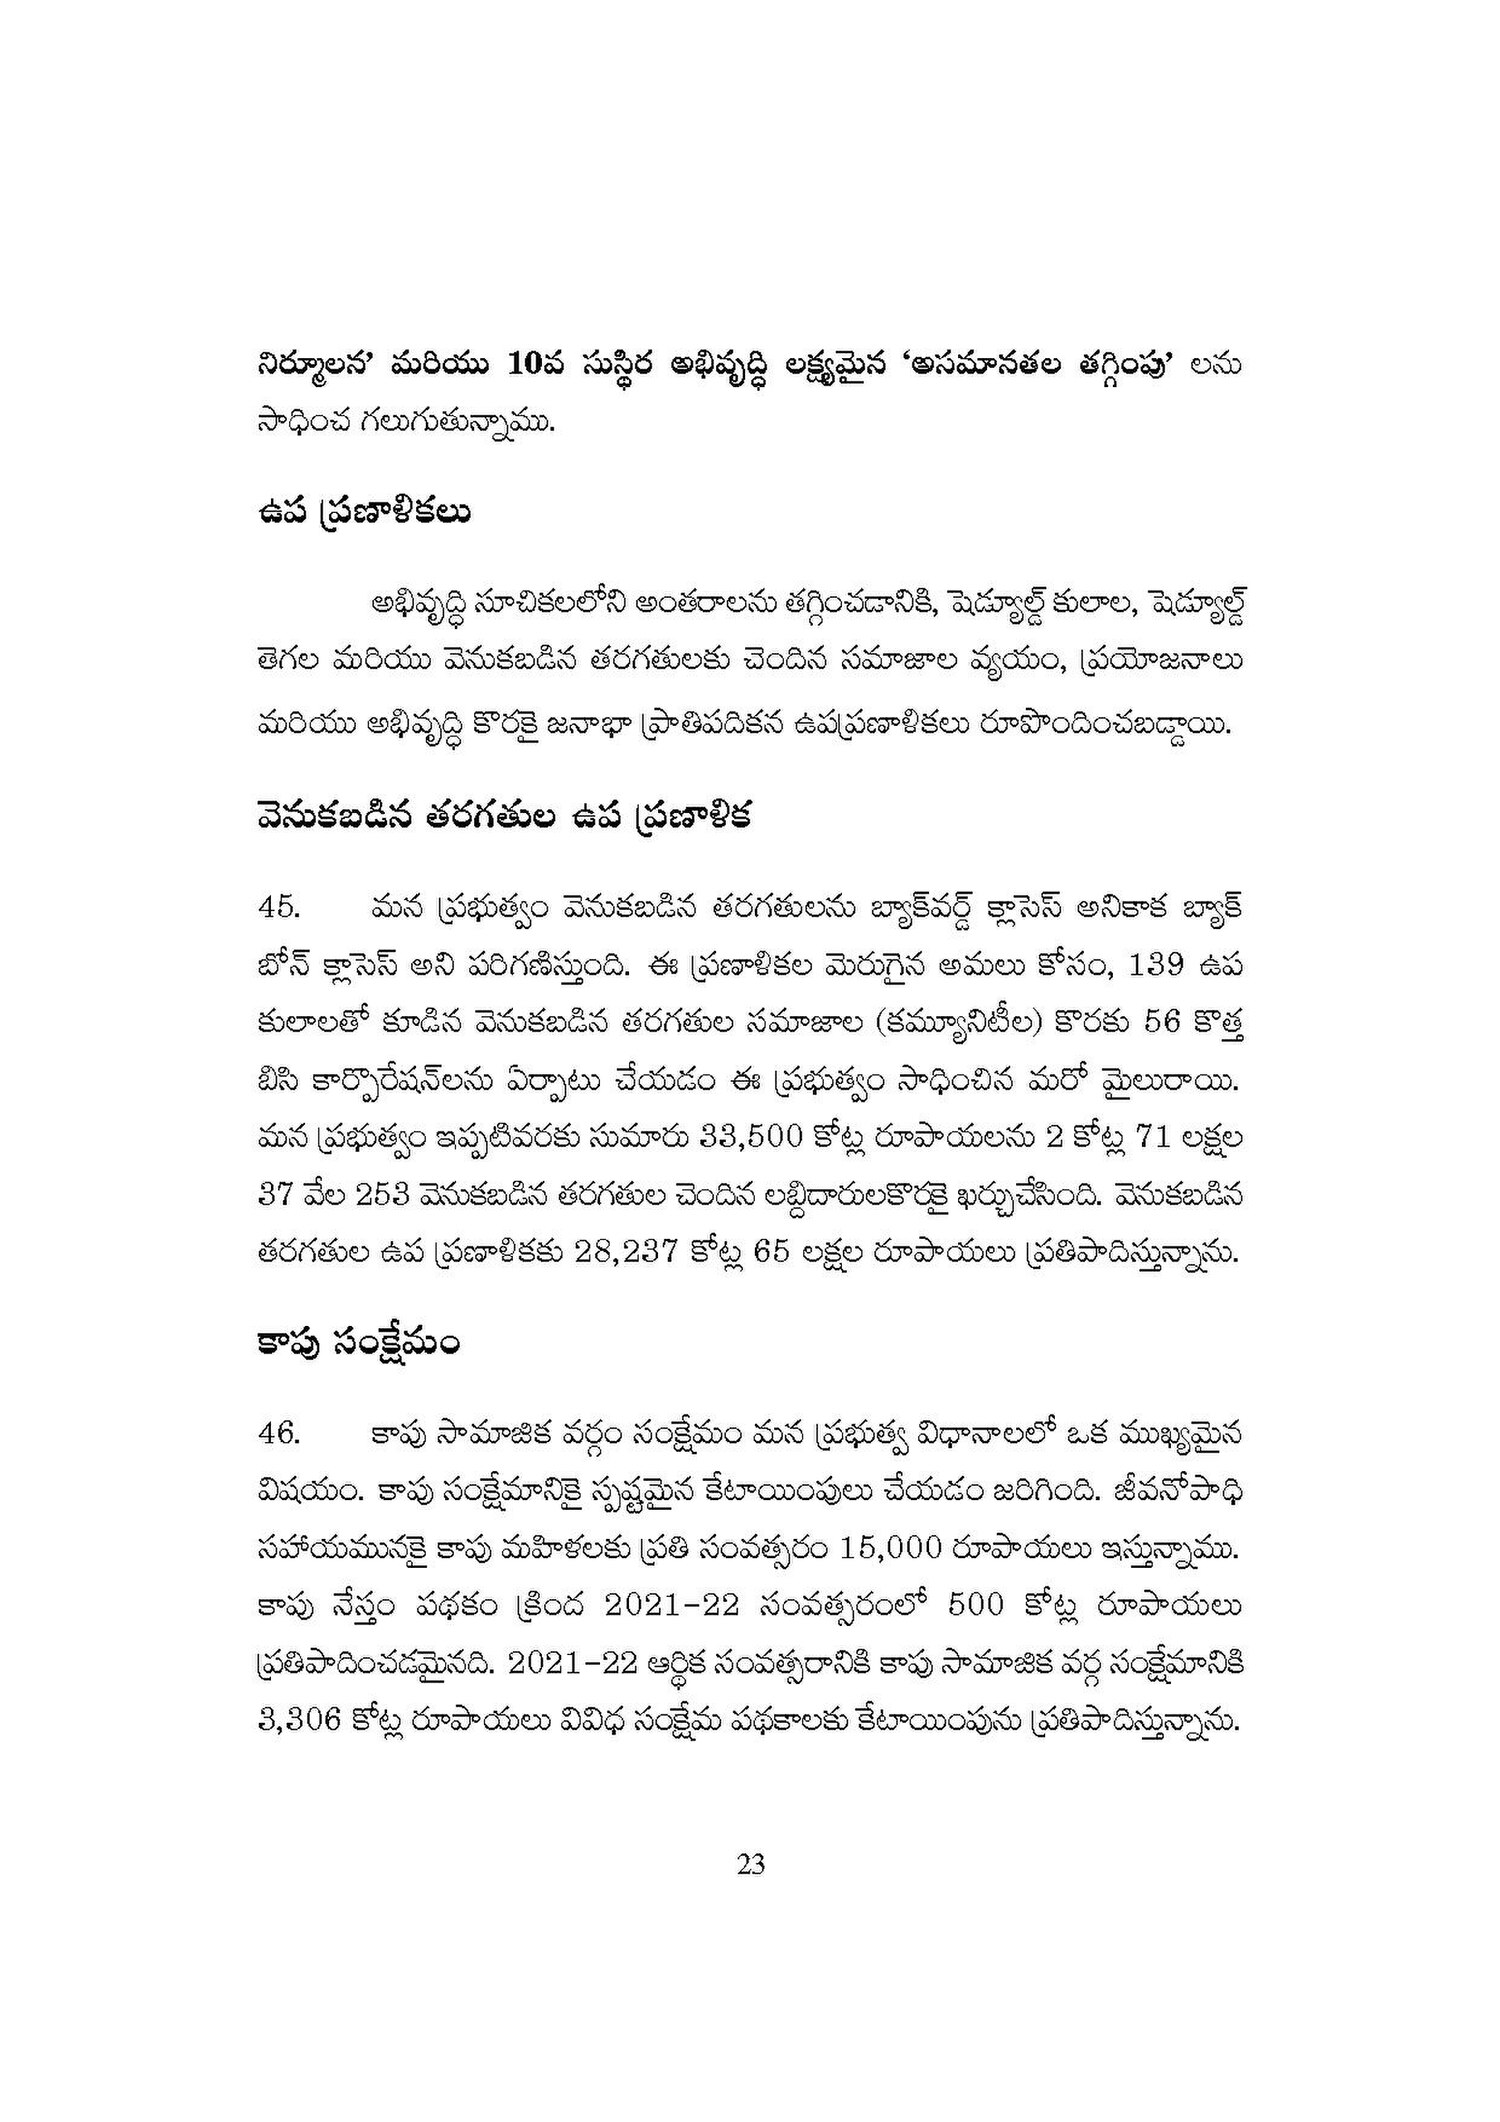నిర్మూలన' మరియు 10వ సుస్థిర అభివృద్ధి లక్ష్యమైన 'అసమానతల తగ్గింపు' లను
సాధించ గలుగుతున్నాము.

ఉప ప్రణాళికలు

అభివృద్ధి సూచికలలోని అంతరాలను తగ్గించడానికి, షెడ్యూల్డ్ కులాల, షెడ్యూల్డ్
తెగల మరియు వెనుకబడిన తరగతులకు చెందిన సమాజాల వ్యయం, ప్రయోజనాలు
మరియు అభివృద్ధి కొరకై జనాభా ప్రాతిపదికన ఉపప్రణాళికలు రూపొందించబడ్డాయి.

వెనుకబడిన తరగతుల ఉప ప్రణాళిక

45. మన ప్రభుత్వం వెనుకబడిన తరగతులను బ్యాక్ వర్డ్ క్లాసెస్ అనికాక బ్యాక్
బోన్ క్లాసెస్ అని పరిగణిస్తుంది. ఈ ప్రణాళికల మెరుగైన అమలు కోసం, 139 ఉప
కులాలతో కూడిన వెనుకబడిన తరగతుల సమాజాల (కమ్యూనిటీల) కొరకు 56 కొత్త
బిసి కార్పొరేషన్లను ఏర్పాటు చేయడం ఈ ప్రభుత్వం సాధించిన మరో మైలురాయి.
మన ప్రభుత్వం ఇప్పటివరకు సుమారు 33,500 కోట్ల రూపాయలను 2 కోట్ల 71 లక్షల
37 వేల 253 వెనుకబడిన తరగతుల చెందిన లబ్దిదారులకొరకై ఖర్చుచేసింది. వెనుకబడిన
తరగతుల ఉప ప్రణాళికకు 28,237 కోట్ల 65 లక్షల రూపాయలు ప్రతిపాదిస్తున్నాను.

కాపు సంక్షేమం

46. కాపు సామాజిక వర్గం సంక్షేమం మన ప్రభుత్వ విధానాలలో ఒక ముఖ్యమైన
విషయం.కాపు సంక్షేమానికై స్పష్టమైన కేటాయింపులు చేయడం జరిగింది. జీవనోపాధి
సహాయమునకై కాపు మహిళలకు ప్రతి సంవత్సరం 15,000 రూపాయలు ఇస్తున్నాము.
కాపు నేస్తం పథకం క్రింద 2021-22 సంవత్సరంలో 500 కోట్ల రూపాయలు
ప్రతిపాదించడమైనది. 2021-22 ఆర్థిక సంవత్సరానికి కాపు సామాజిక వర్గ సంక్షేమానికి
3,306 కోట్ల రూపాయలు వివిధ సంక్షేమ పథకాలకు కేటాయింపును ప్రతిపాదిస్తున్నాను.